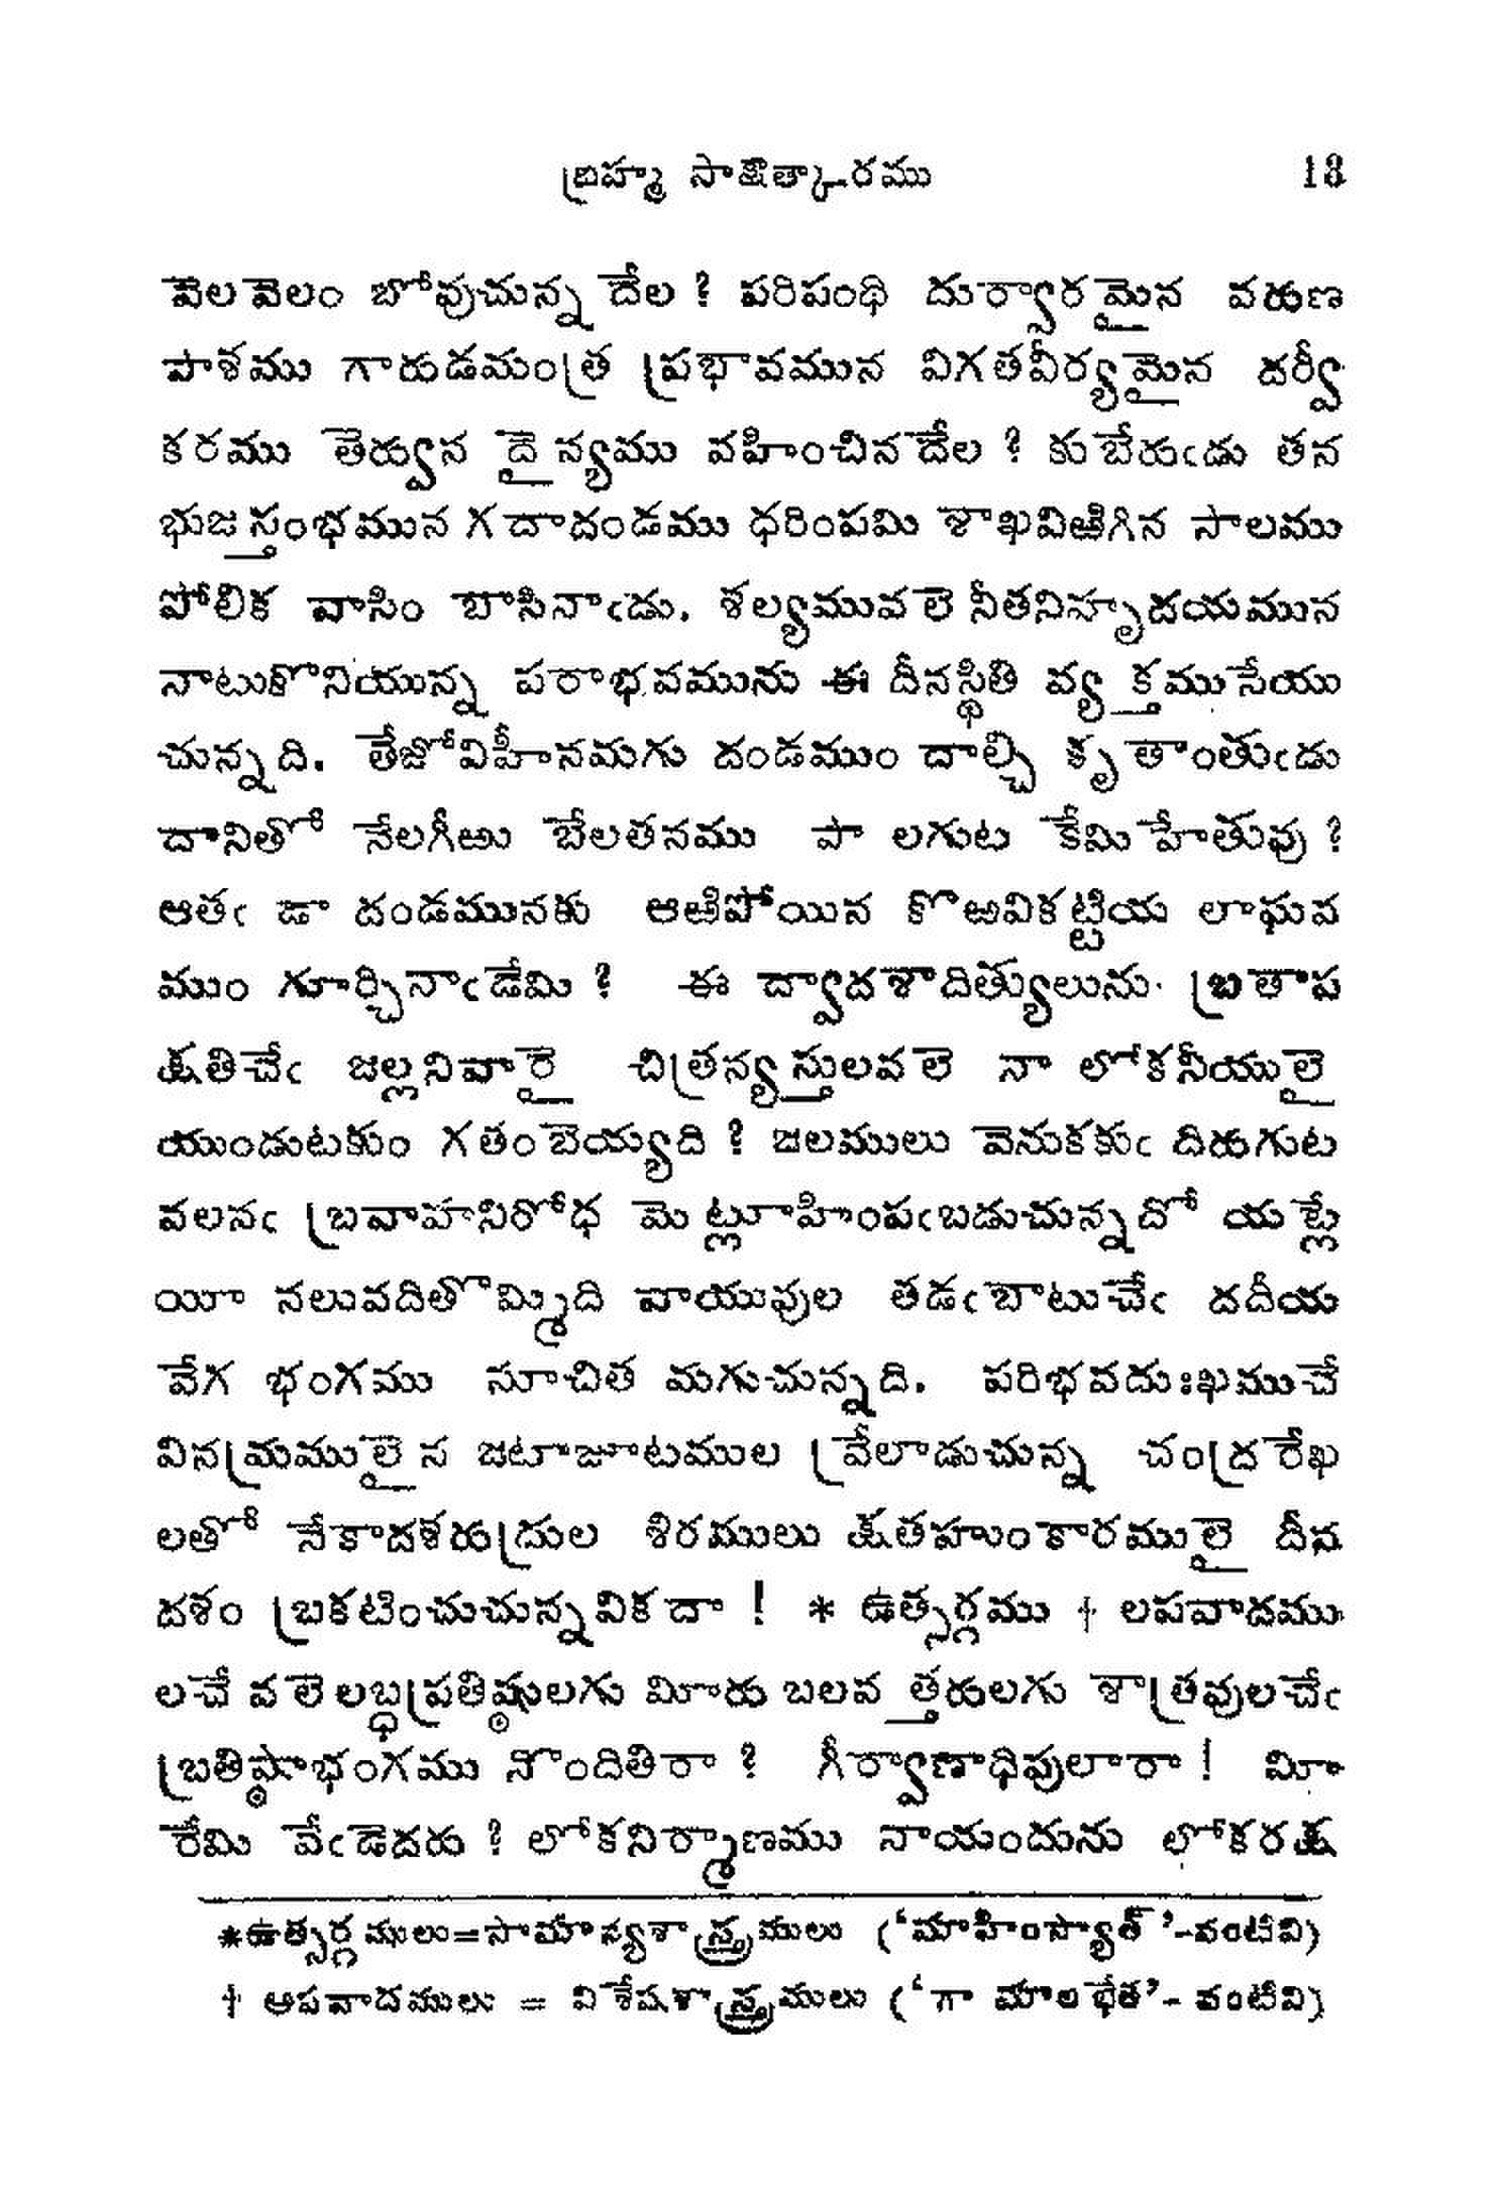వేల వెలం బోవుచున్న దేల? పరిపంధి దుర్వారమైన వరుణపాశము గారుడమంత్ర ప్రభావమున విగతవీర్యమైన దర్వీకరము తెర్వున దైన్యము వహించిన వేల ? కుబేరుఁడు తన భుజ స్తంభమున గదాదండము ధరింపమి శాఖవిఱిగిన సాలము
పోలిక వాసిం బాసినాఁడు, శల్యమువలె నీతనిహృదయమున నాటుకొనియున్న పరాభవమును ఈ దీనస్థితి వ్యక్తము సేయు
చున్నది. తేజోవిహీనమగు దండముం దాల్చి కృతాంతుఁడు దానితో నేలగీఱు బేలతనము పాలగుట కేమి హేతువు ?
ఆతఁడా దండమునకు ఆఱిపోయిన కొఱవికట్టియ లాఘవముం గూర్చినాఁడేమి ? ఈ ద్వాదశాదిత్యులును. బ్రతాపక్షతిచేఁ జల్లనివారై చిత్రన్యస్తులవలె నా లోకనీయులై యుండుటకుం గతం బెయ్యది ? జలములు వెనుకకుఁ దిరుగుట వలనఁ బ్రవాహనిరోధ మెట్లూహింపఁబడుచున్నదో యట్లే యీ నలువదితొమ్మిది వాయువులు తడఁబాటు చేఁ దదీయ వేగ భంగము సూచిత మగుచున్నది. పరిభవదుఃఖముచే వినమ్రములైన జటాజూటముల వ్రేలాడుచున్న చంద్ర రేఖలతో నేకాదశరుద్రుల శిరములు క్షతహుంకారములై దీన దశం బ్రకటించుచున్నవికదా ! * ఉత్సర్గము లపవాదములచే వలె లబ్ధప్రతిష్ఠులగు మీరు బలవత్తరులగు శాత్రవులచేఁ బ్రతిష్ఠాభంగము నొందితిరా ? గీర్వాణాధిపులారా ! మీరేమి వేఁడెదరు? లోకనిర్మాణము నాయందును లోకరక్ష